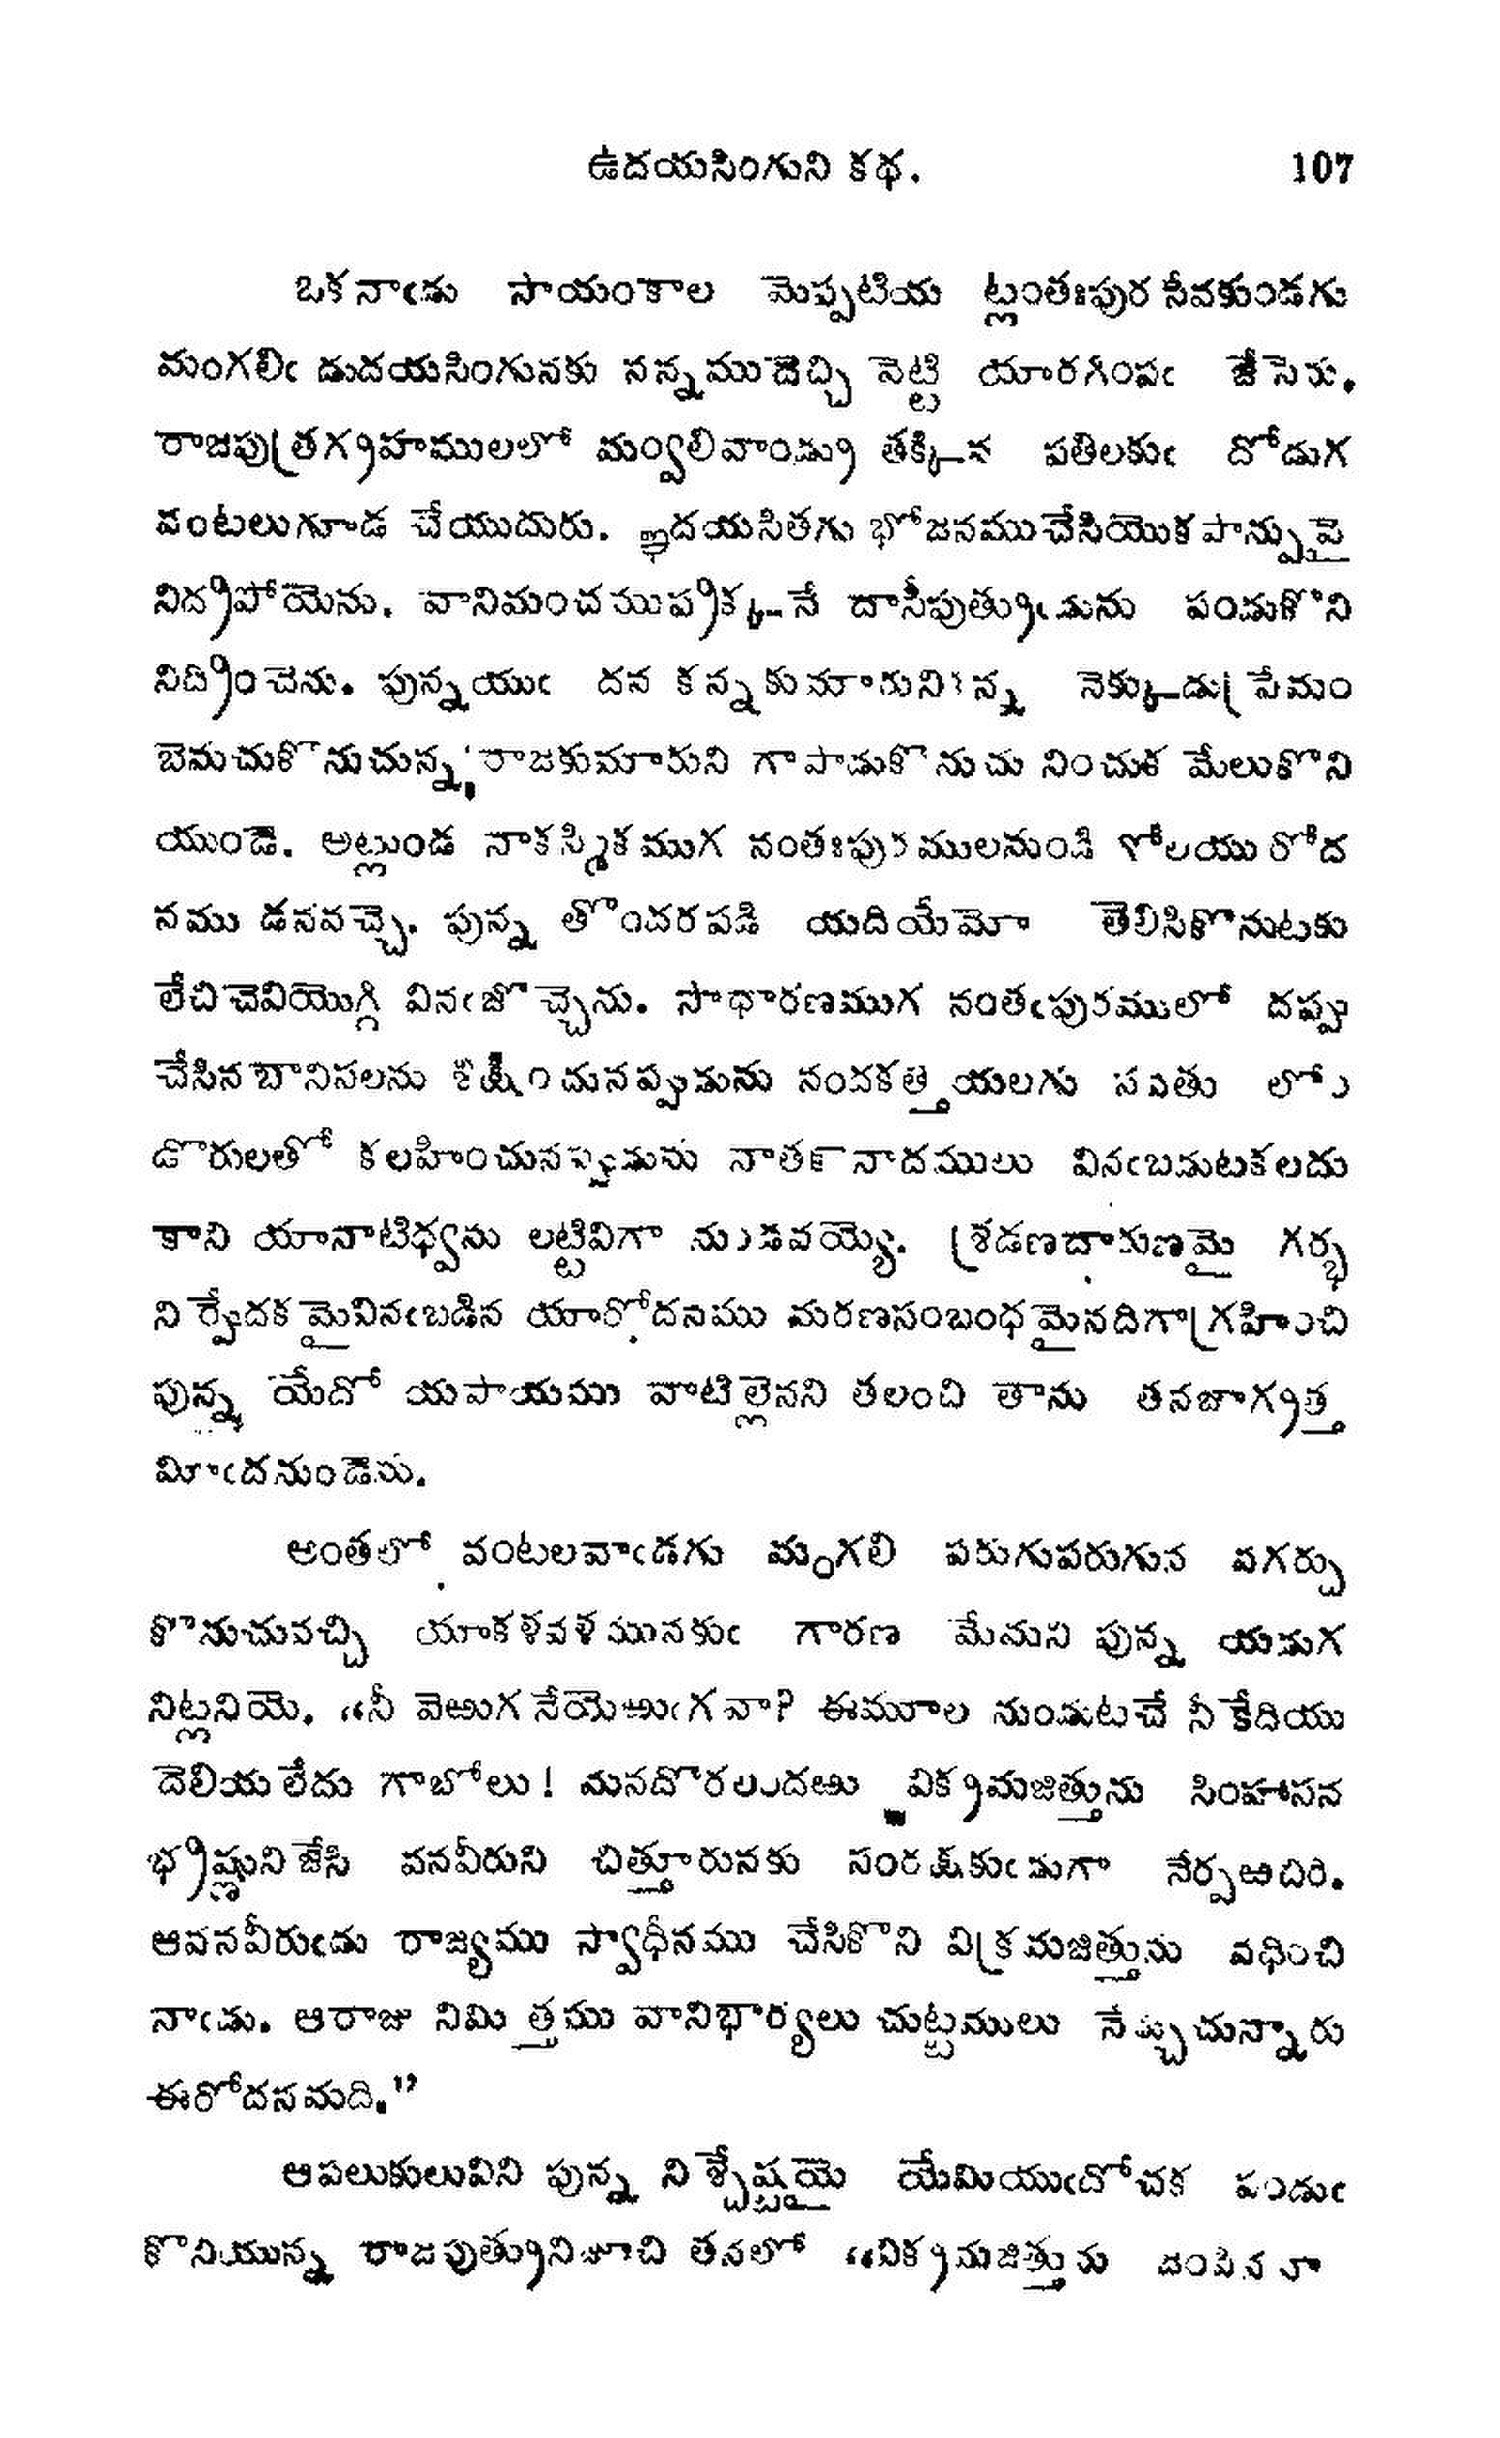ఒక నాఁడు సాయంకాల మెప్పటియ ట్లంతఃపుర సేవకుండగు మంగలిఁ డుదయసింగునకు నన్నముదెచ్చి పెట్టి యారగింపఁ జేసెను.
రాజపుత్రగ్రహములలో మంగలివాండ్రు తక్కిన పతిలకుఁ దోడుగ వంటలుగూడ చేయుదురు. ఉదయసింగు భోజనము చేసియొక పాన్పుపై
నిద్రపోయెను. వానిమంచముప్రక్కనే దాసీపుత్రుఁడును పండుకోని నిద్రించెను. పున్నయుఁ దన కన్న కుమారునికన్న నెక్కుడు ప్రేమం
బెనుచుకోనుచున్న రాజకుమారుని గాపాడుకొనుచు నించుక మేలుకొని యుండె. అట్లుండ నాకస్మికముగ నంతఃపురములనుండి గోలయు రోద
నము డనవచ్చె. పున్న తొందరపడి యది యేమో తెలిసికొనుటకు లేచి చెవియొగ్గి వినఁ జొచ్చెను. సాధారణముగ నంతఁపురములో దప్పు
చేసిన బానిసలను శిక్షించునప్పుడును నందకత్తి యలగు సవతు లోండొరులతో కలహించునప్పుచును నాత౯ నాదములు వినఁబడుటకలదు
కాని యానాటి ధ్వను లట్టివిగా నుండవయ్యె. శ్రడణదారుణమై గర్భ నిర్వేదకమైవినఁబడిన యారోదనము మరణసంబంధమైనదిగా గ్రహించి పున్న యేదో యపాయము వాటిల్లెనని తలంచి తాను తనజాగ్రత్త మీఁదనుండెను.

అంతలో వంటలవాఁడగు మంగలి పరుగుపరుగున వగర్పు కొనుచువచ్చి యాకళవళమునకుఁ గారణ మేనుని పున్న యడుగ నిట్లనియె. “నీ వెఱుగనేయెఱుఁగవా? ఈమూల నుండుటచే నీ కేదియు దెలియ లేదు గాబోలు ! మనదొరలందఱు విక్రమజిత్తును సింహాసనభష్ణుని జేసి వనవీరుని చిత్తూరునకు సంరక్షకుఁ డుగా నేర్పఱచిరి. ఆవన వీరుఁడు రాజ్యము స్వాధీనము చేసికొని విక్రమజిత్తును వధించినాఁడు. ఆ రాజు నిమిత్తము వాని భార్యలు చుట్టములు నేచ్చుచున్నారు.ఈరోదనమది."

ఆ పలుకులువిని పున్న నిశ్చేష్టయై యేమియుఁదోచక పండుఁ కొనియున్న రాజపుత్రుని జూచి తనలో "విక్రమజిత్తును జంపినవా